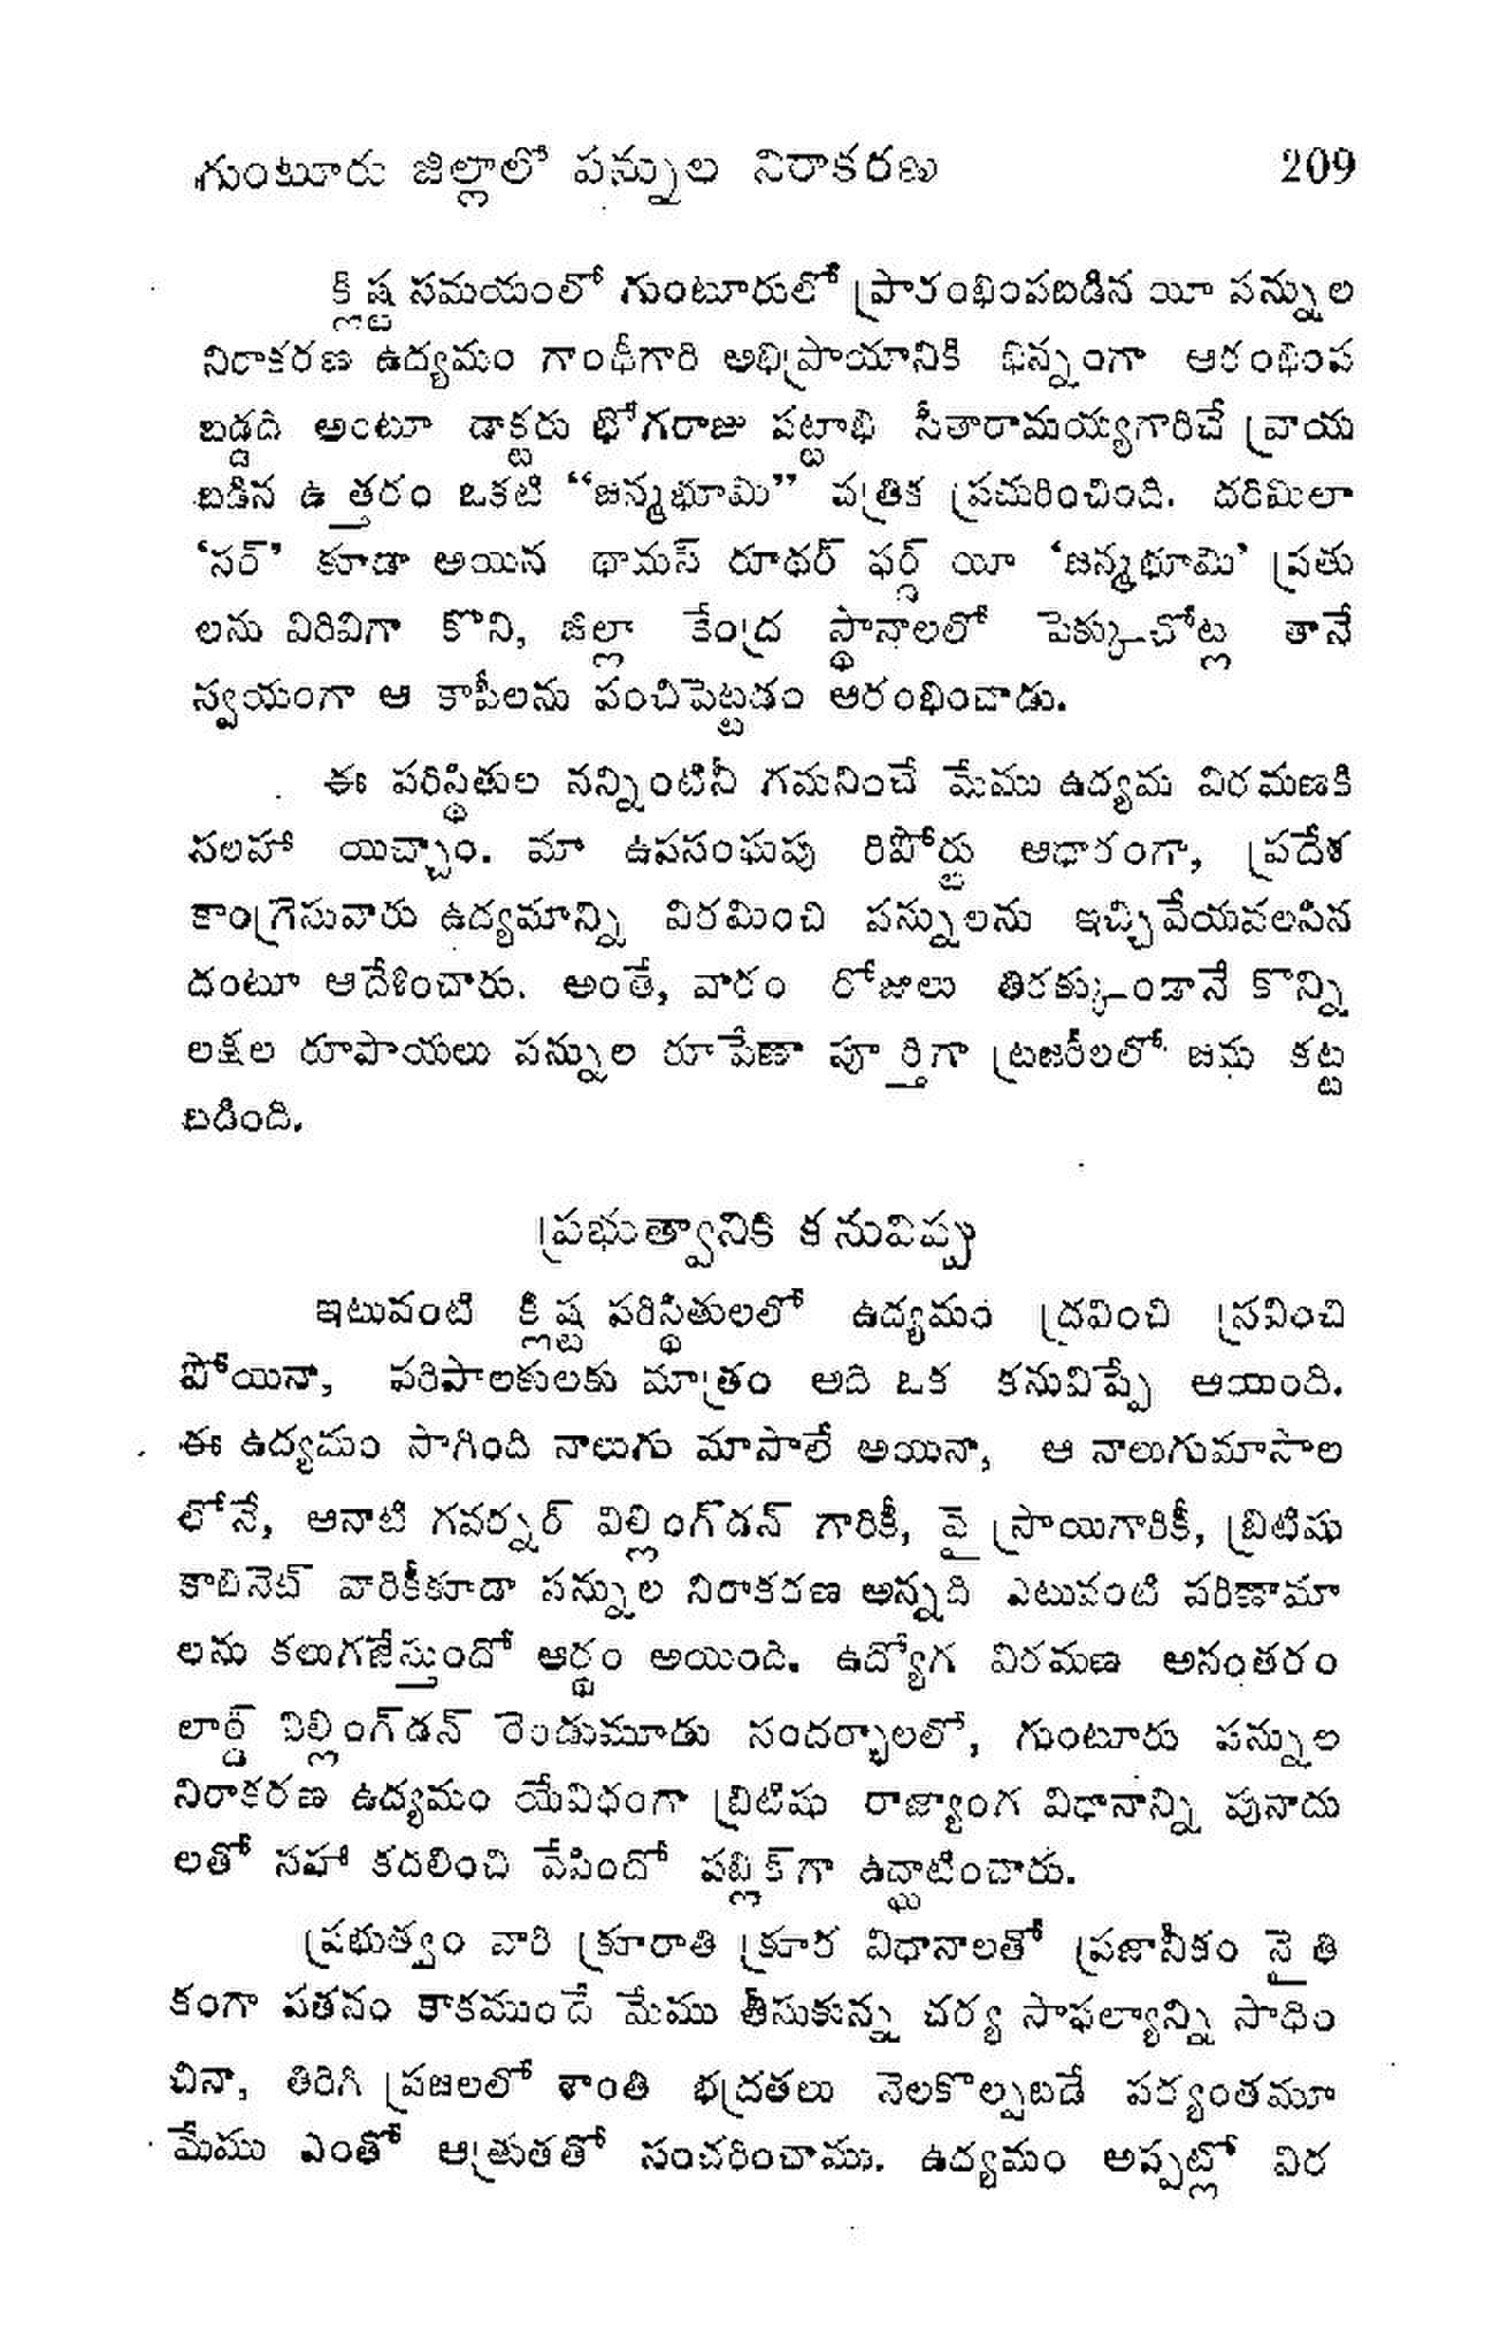క్లిష్ట సమయంలో గుంటూరులో ప్రారంభింపబడిన యీ పన్నుల నిరాకరణ ఉద్యమం గాంధీగారి అభిప్రాయానికి భిన్నంగా ఆరంభింప బడ్డది అంటూ డాక్టరు భోగరాజు పట్టాభి సీతారామయ్యగారిచే వ్రాయబడిన ఉత్తరం ఒకటి "జన్మభూమి" పత్రిక ప్రచురించింది. దరిమిలా "సర్" కూడా అయిన థామస్ రూథర్ ఫర్డ్ యీ "జన్మభూమి" ప్రతులను విరివిగా కొని, జిల్లా కేంద్ర స్థానాలలో పెక్కుచోట్ల తానే స్వయంగా ఆ కాపీలను పంచిపెట్టడం ఆరంభించాడు.

ఈ పరిస్థితుల నన్నింటిని గమనించే మేము ఉద్యమ విరమణకి సలహా యిచ్చాం. మా ఉపసంఘపు రిపోర్టు ఆధారంగా, ప్రదేశ కాంగ్రెసువారు ఉద్యమాన్ని విరమించి పన్నులను ఇచ్చివేయవలసిన దంటూ ఆదేశించారు. అంతే, వారం రోజులు తిరక్కుండానే కొన్ని లక్షల రూపాయలు పన్నుల రూపేణా పూర్తిగా ట్రజరీలలో జమ కట్ట బడింది.

ఇటువంటి క్లిష్ట పరిస్థితులలో ఉద్యమం ద్రవించి స్రవించి పోయినా, పరిపాలకులకు మాత్రం అది ఒక కనువిప్పే అయింది. ఈ ఉద్యమం సాగింది నాలుగు మాసాలే అయినా, అ నాలుగు మాసాలలోనే , అనాటి గవర్నర్ విల్లింగ్‌డన్ గారికీ, వై స్రాయిగారికీ, బ్రిటిషు కాబినెట్ వారికికూడా పన్నుల నిరాకరణ అన్నది ఎటువంటి పరిణామాలను కలుగజేస్తుందో అర్థం అయింది. ఉద్యోగ విరమణ అనంతరం లార్డ్ విల్లింగ్‌డన్ రెండుమూడు సందర్భాలలో, గుంటూరు పన్నుల నిరాకరణ ఉద్యమం యేవిధంగా బ్రిటిషు రాజ్యాంగం విధానాన్ని పునాదులతో సహా కదలించి వేసిందో పబ్లిక్‌గా ఉద్ఘాటించారు.

ప్రభుత్వం వారి క్రూరాతి క్రూర విధానాలతో ప్రజానీకం నైతికంగా పతనం కాకముందే మేము తీసుకున్న చర్య సాఫల్యాన్ని సాధించినా, తిరిగి ప్రజలలో శాంతి భద్రతలు నెలకొల్పబడే పర్యంతమూ మేము ఎంతో ఆత్రుతతో సంచరించాము. ఉద్యమం అప్పట్లో విర